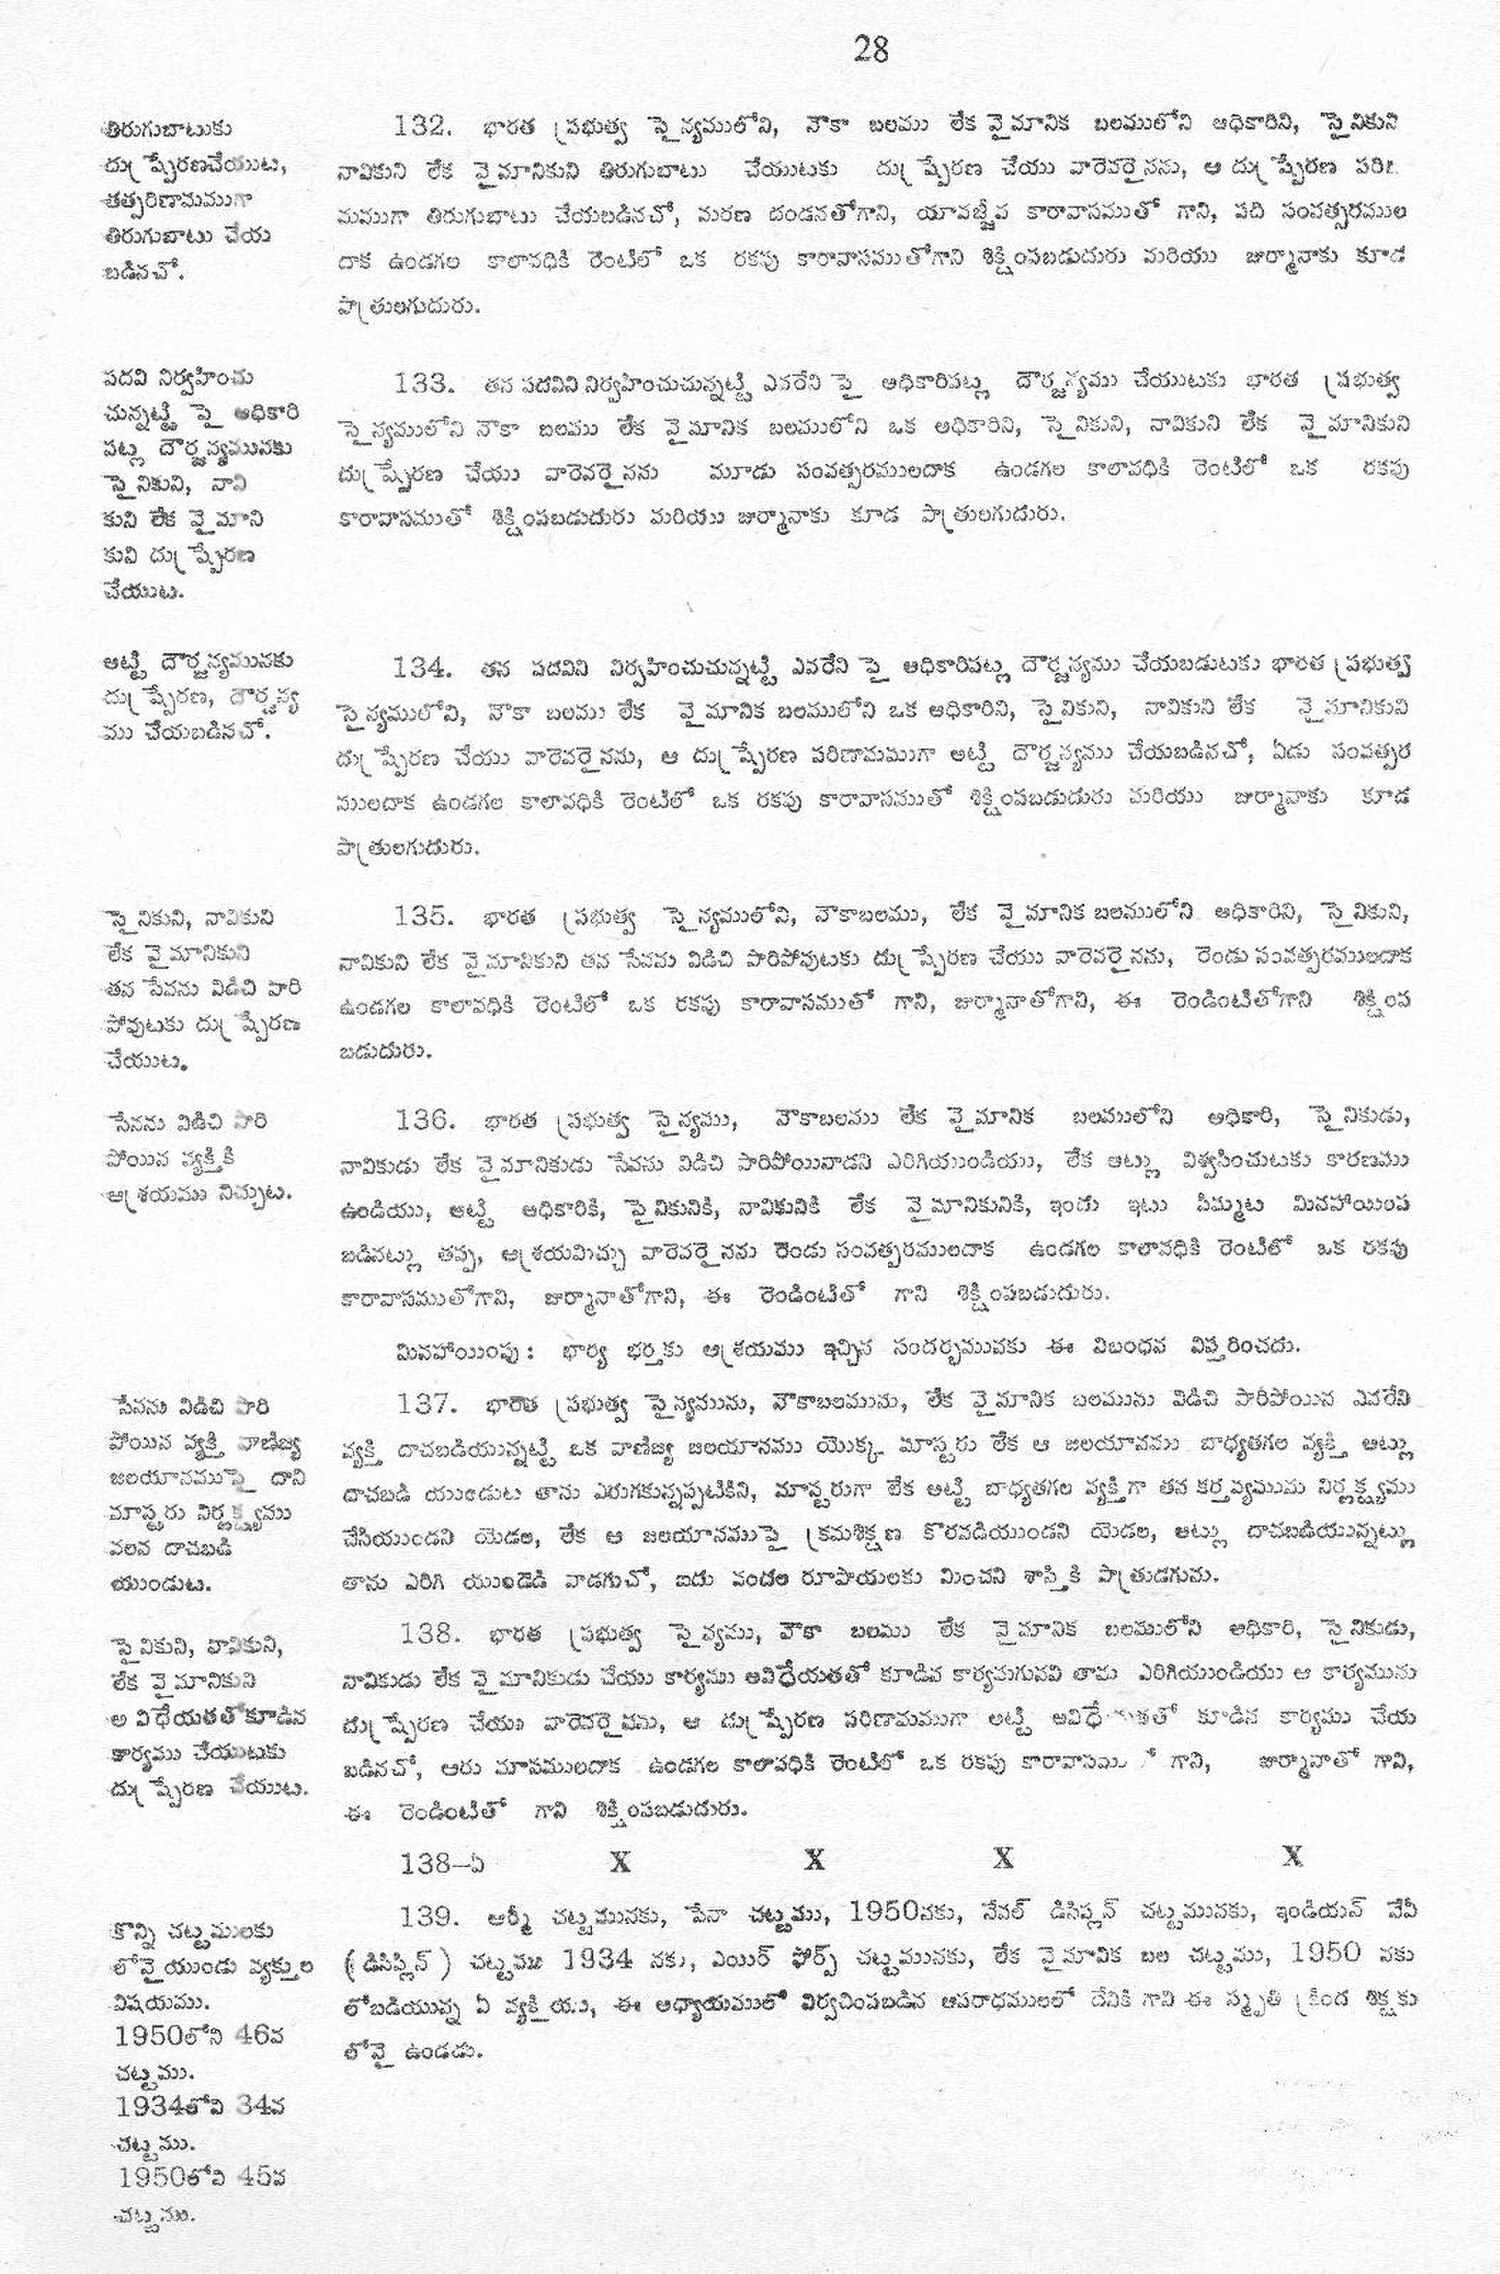తిరుగుబాటుకు దుష్ప్రేరణచేయుట, తత్పరిణామముగా తిరుగుబాటు చేయబడినచో,

132. భారత ప్రభుత్వ సైన్యములోని, నౌకా బలము లేక వైమానిక బలములోని అధికారిని, సైనికుని నావికుని లేక వైమానికుని తిరుగుబాటు చేయుటకు దుష్ప్రేరణ చేయు వారెవరైనను, ఆ దుష్ప్రేరణ పరిణామముగా తిరుగుబాటు చేయబడినచో, మరణ దండనతోగాని, యావజ్జీవ కారావాసముతో గాని, పది సంవత్సరముల దాక ఉండగల కాలావధికి రెంటిలో ఒక రకపు కారావాసముతోగాని శిక్షింపబడుదురు మరియు జుర్మానాకు కూడ పాత్రులగుదురు.

పదవి నిర్వహించు చున్నట్టి పై అధికారి పట్ల దౌరవ్యమునకు సైనికుని, నావికుని లేక వైమానికుని దుష్ప్రేరణ చేయుట.

133. తన పదనిని నిర్వహించుచున్నట్టి ఎవరేని పై అధికారిపట్ల దౌర్జన్యము చేయుటకు భారత ప్రభుత్వ సైన్యములోని నౌకా బలము లేక వైమానిక బలములోని ఒక అధికారిని, "సైనికుని, నావికుని లేక వైమానికుని దుష్ప్రేరణ చేయు వారెవరైనను మూడు సంవత్సరములదాక ఉండగల కాలావధికి రెంటిలో ఒక రకవు కారావాసముతో శిక్షింపబడుదురు మరియు జుర్మానాకు కూడ పాత్రులగుదురు.

అట్టి దౌర్జన్యమునకు దుష్ప్రేరణ, దౌర్జన్యము చేయబడినచో,

134. తన పదవిని నిర్వహించుచున్నట్టి ఎవరేని పై అధికారిపట్ల దౌర్జన్యము చేయబడుటకు భారత ప్రభుత్వ సైన్యములోని, నౌకా బలము లేక వైమానిక బలములోని ఒక అధికారిని, సైనికుని, నావికుని లేక వైమానికుని దుష్ప్రేరణ చేయు వారెవరైనను, ఆ దుష్ప్రేరణ పరిణామముగా అట్టి దౌర్జన్యము చేయబడినచో, ఏడు సంవత్సరములదాక ఉండగల కాలావధికి రెంటిలో ఒక రకపు కారావాసములో శిక్షింపబడుదురు మరియు జుర్మానాకు కూడ పాత్రులగుదురు.

సైనికుని, నావికుని లేక వైమానికుని తన సేవను విడిచి పారిపోవుటకు దుష్ప్రేరణ చేయుట.

135. భారత ప్రభుత్వ సైన్యములోని, నౌకాబలము, లేక వైమానిక బలములోని అధికారిని, సైనికుని, నావికుని లేక వైమానికుని తన సేవను విడిచి పారిపోవుటకు దుష్ప్రేరణ చేయు వారెనరైనను, రెండు సంవత్సరములదాక ఉండగల కాలావధికి రెంటిలో ఒక రకపు కారావాసముతో గాని, జుర్మానాతో గాని, ఈ రెండింటితోగాని శిక్షింపబడుదురు.

సేనను విడిచి పారిపోయిన వ్యక్తికి ఆశ్రయము నిచ్చుట.

136. భారత ప్రభుత్వ సైన్యము, నౌకాబలము లేక వైమానిక బలములోని అధికారి, సైనికుడు,నావికుడు లేక వైమానికుడు సేవను విడిచి పారిపోయినాడని ఎరిగియుండియు, లేక ఆట్లు విశ్వసించుటకు కారణము ఉండియు, అట్టి అధికారికి, సైనికునికి, నావికునికి లేక వైమానికునికి, ఇందు ఇటు పిమ్మట మినహాయింప బడినట్లు తప్ప, ఆశ్రయమిచ్చు వారెవరైనను రెండు సంవత్సరములదాక ఉండగల కాలావధికి రెంటిలో ఒక రకపు కారావాసముతోగాని, జుర్మానాతోగాని, ఈ రెండింటితో గాని శిక్షింపబడుదురు.

మినహాయింపు : భార్య భర్తకు ఆశ్రయము ఇచ్చిన సందర్భమునకు ఈ నిబంధన విస్తరించదు.

సేనను విడిచి పారిపోయిన వ్యక్తి వాణిజ్య జలయానముపై దాని మాస్టరు నిర్లక్ష్యము వలన దాచబడి యుండుట. 

137. భారత ప్రభుత్వ సైన్యమును, నౌకాబలమును, లేక వైమానిక బలమును విడిచి పారిపోయిన ఎనలేని వ్యక్తి దాచబడియున్నట్టి ఒక వాణిజ్య జలయానము యొక్క మాస్టరు లేక ఆ జలయానము బాధ్యతగల వ్యక్తి అట్లు దాచబడి యుండుట తాను ఎరుగకున్నప్పటికీని, మాస్టరుగా లేక అట్టి బాధ్యతగల వ్యక్తిగా తన కర్తవ్యమును నిర్లక్ష్యము చేసియుండని యెడల, లేక ఆ జలయానము పై క్రమశిక్షణ కొరవడియుండని యెడల, ఆట్లు దాచబడియున్నట్లు తాను ఎరిగి యుండెడి వాడగుచో, ఐదు వందల రూపాయలకు మించని శాస్త్రికి పాత్రుడగును.

సైనికుని, నావికుని,లేక వైమానికుని ఆ విధేయతతో కూడిన కార్యము చేయుటకు దుష్ప్రేరణ చేయుట.

138. భారత ప్రభుత్వ సైన్యము, నౌకా బలము లేక వైమానిక బలములోని అధికారి, సైనికుడు, నావికుడు లేక వైమానికుడు చేయు కార్యము అవిధేయతతో కూడిన కార్యమగునవి తాను ఎరిగియుండియు ఆ కార్యమును దుష్ప్రేరణ చేయు వారెవరైనను, ఆ దుష్ప్రేరణ పరిణామముగా అట్టి అవిధేయతతో కూడిన కార్యము చేయబడినచో, ఆరు మాసములదాక ఉండగల కాలావధికి రెంటిలో ఒక రకపు కారావాసముతో గాని, జుర్మానాతో గాని, ఈ రెండింటితో గాని శిక్షింపబడుదురు.

138-ఏ X X X

కొన్ని చట్టములకు లోనై యుండు వ్యక్తుల విషయము 1950లోని 46వ చట్టము. 1934లోని 34వ చట్టము,1950లో 45వ
చట్టము

139. ఆర్మీ చట్టమునకు, సేవా చట్టము, 1950నకు, నేవల్ డిసిప్లన్ చట్టమునకు, ఇండియన్ నేవీ( డిసిప్లిన్ ) చట్టము 1934 నకు, ఎయిర్ ఫోర్స్ చట్టమునకు, లేక వైమానిక జల చట్టము, 1950 నకు లోబడియున్న ఏ వ్యక్తియు ఈ అధ్యాయములో నిర్వచింపబడిన ఆపరాధములలో దేనికి గాని ఈ స్మృతి క్రింద శిక్షకు లోనై ఉండడు.